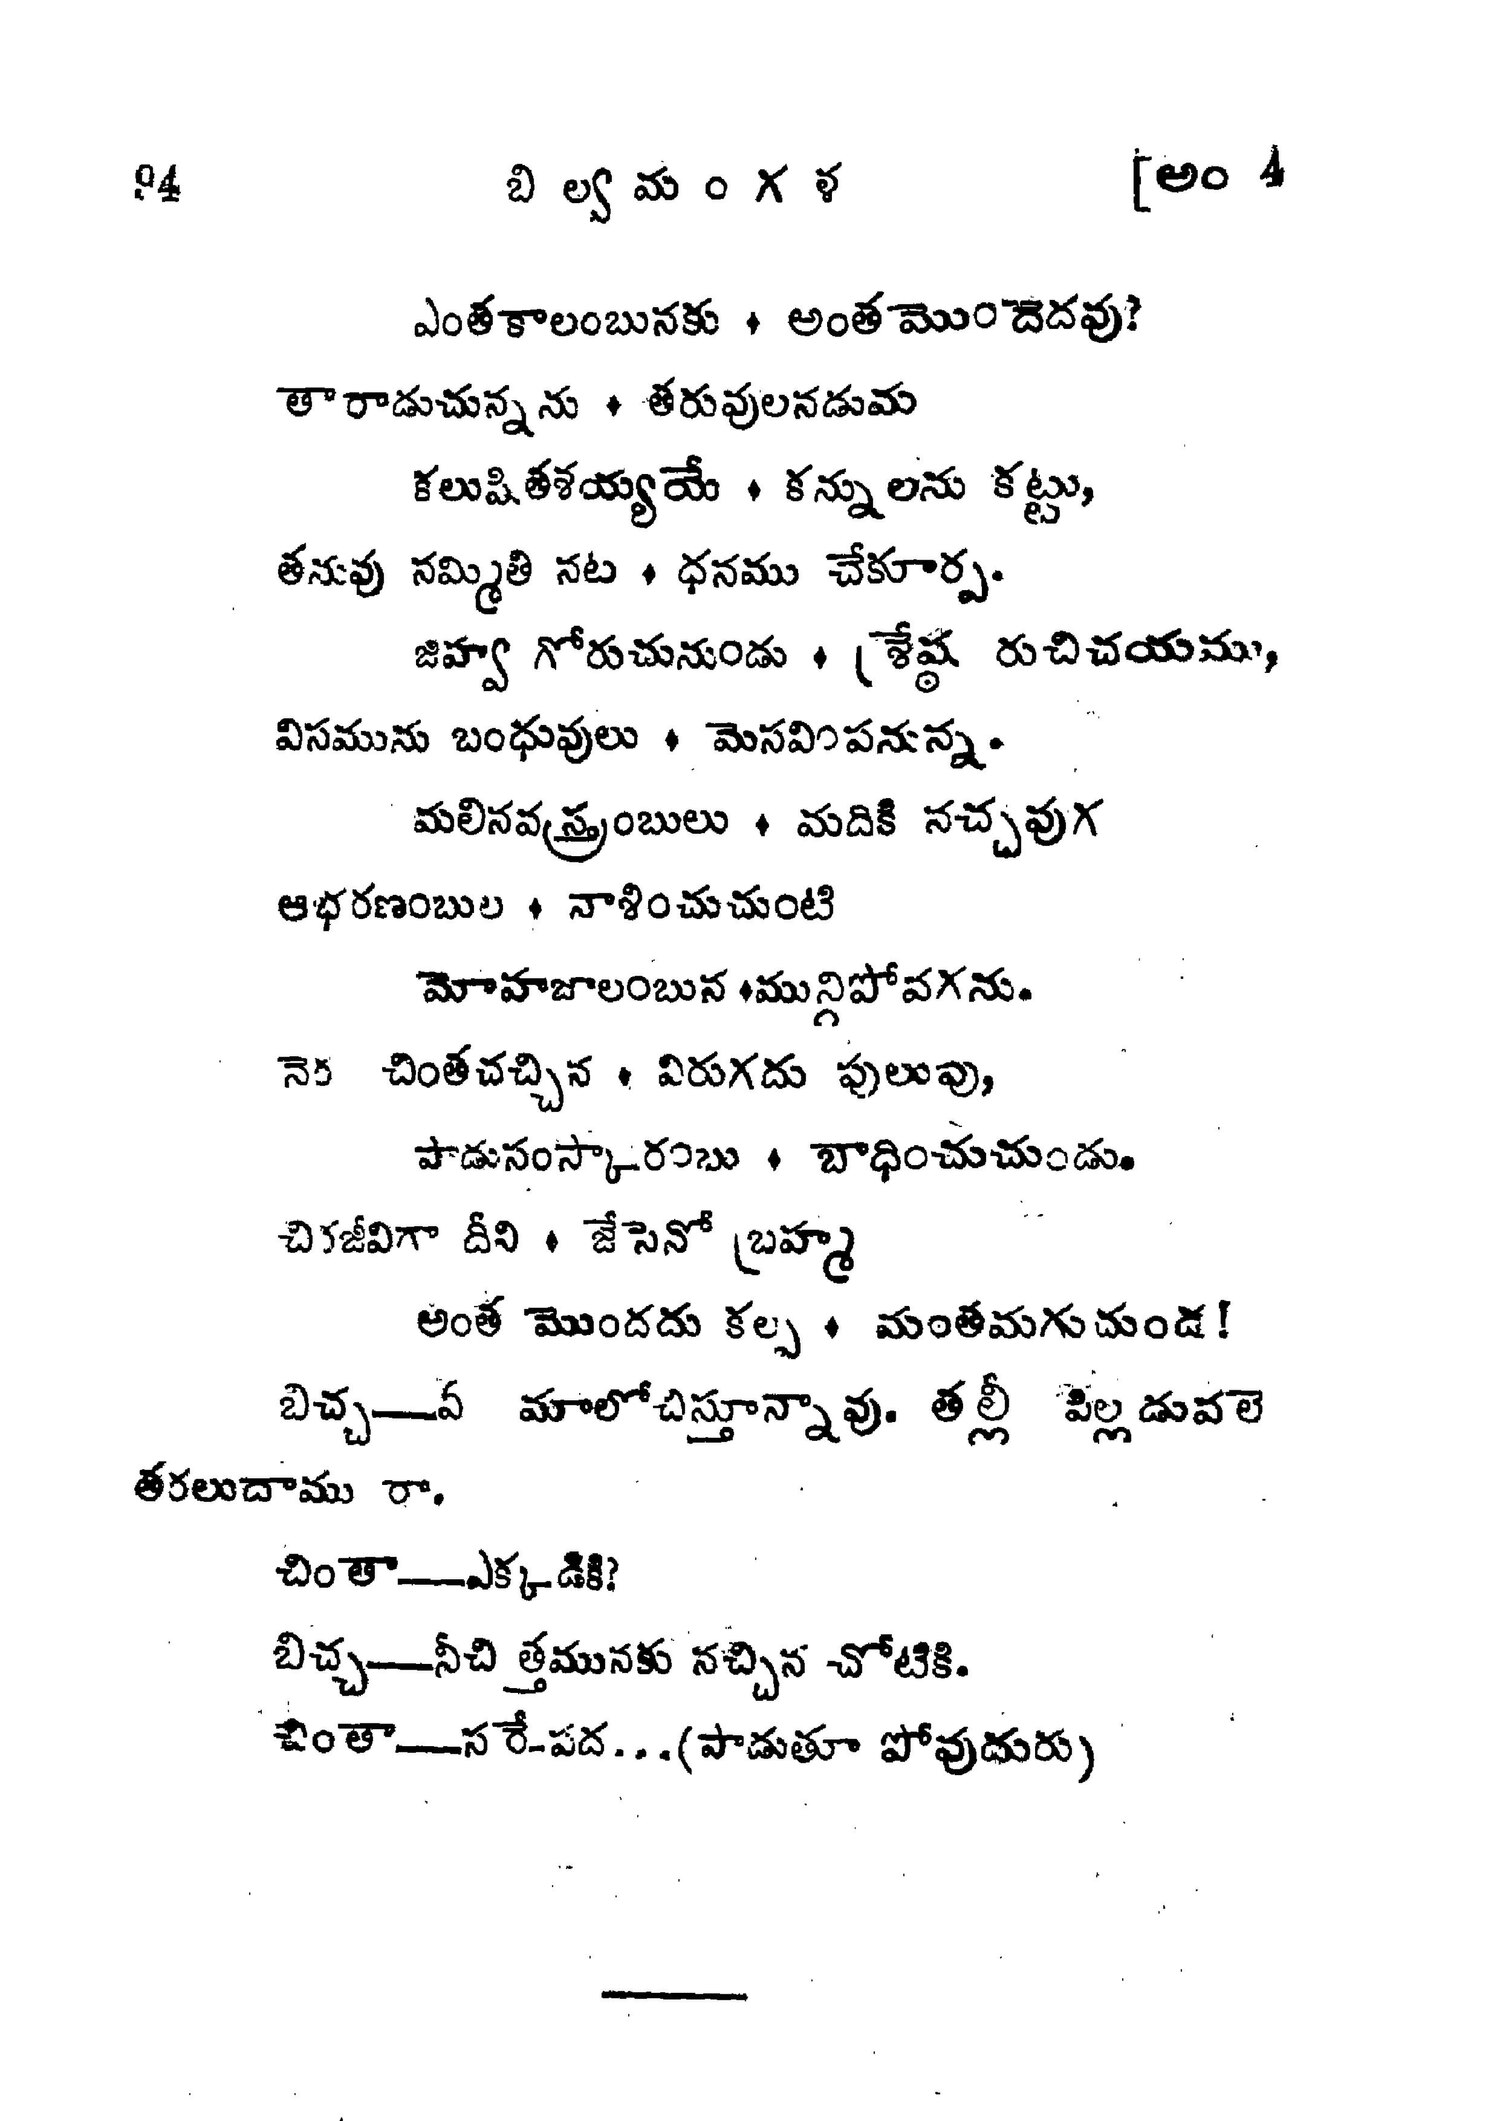ఎంతకాలంబునకు ♦ అంతమొందెదవు?
 తారాడుచున్నను ♦ తరువులనడుమ
 కలుషితశయ్యయే ♦ కన్నులను కట్టు,
 తనువు నమ్మితి నట ♦ ధనము చేకూర్ప.
 జిహ్వ గోరుచునుండు ♦ శ్రేష్ఠ రుచిచయము,
 విసమును బంధువులు ♦ మెసవింపనున్న.
 మలినవస్త్రంబులు ♦ మదికి నచ్చవుగ
 ఆభరణంబుల ♦ నాశించుచుంటి
 మోహజాలంబున ♦ మున్గిపోవగను.
 నెర చింతచచ్చిన ♦ విరుగదు పులుపు,
 పాడుసంస్కారంబు ♦ బాధించుచుండు.
 చిరజీవిగా దీని ♦ జేసెనో బ్రహ్మ
 అంత మొందదు కల్ప ♦ మంతమగుచుండ!

బిచ్చ - ఏ మాలోచిస్తూన్నావు. తల్లీ పిల్లడువలె తరలుదాము రా.

చింతా - ఎక్కడికి?

బిచ్చ - నీచిత్తమునకు నచ్చిన చోటికి.

చింతా - సరే-పద....(పాడుతూ పోవుదురు)